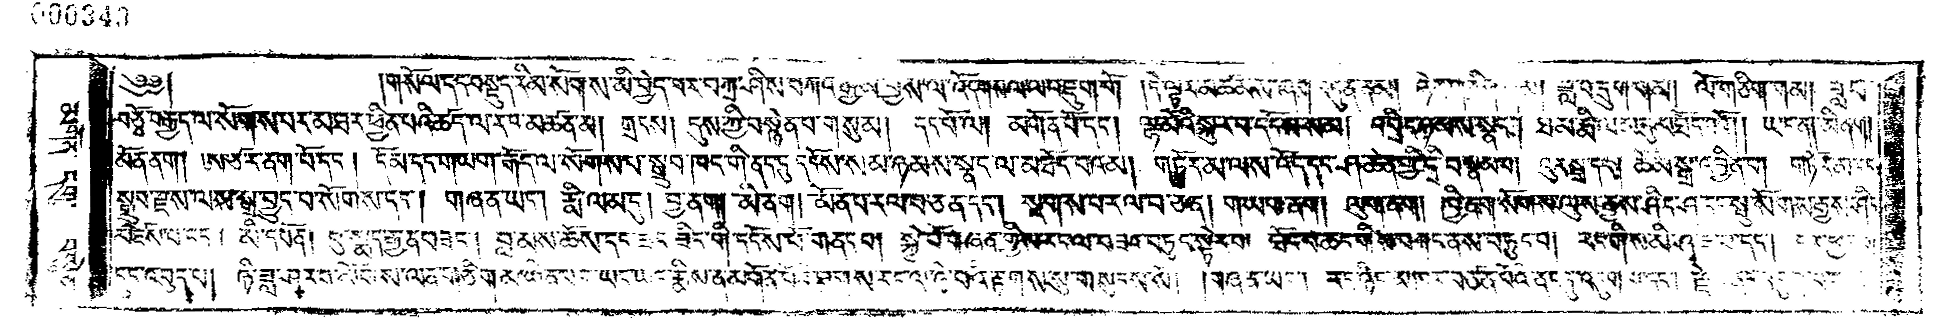༄༅། །གསོལ་དང་བསྡུད་རིམ་སོགས་མི་བྱེད་པར་བཀྲ་ཤིས་བཀའ་རྒྱ་མ་བྱས་ལ་འོད་གསལ་ལ་འཇུག་གོ །དེ་ལྟར་མཚམས་ཞག་བདུན་ནམ། ཉེར་གཅིག་གམ། ཟླ་བ་དྲུག་གམ། ལོ་གཅིག་གམ། ཟླ་བ་
བཅྭོ་བརྒྱད་ལ་སོགས་པར་མཐར་ཕྱིན་པའི་ཚད་ལ་རབ་མཚན་མ། གྲངས། དུས་ཀྱི་བསྙེན་པ་གསུམ། དང་པོ་ལ། མགོན་པོ་དང་། ལྷ་མོའི་སྐུར་བ་དངོས་སམ། འབྲིང་ཉམས་སྣང་། ཐ་མ་རྨི་ལམ་དུ་མཐོང་བའོ། །ཡང་ན། མི་ནག །
མོན་ནག །ཨ་ཙ་ར་ནག་པོ་དང་། དོམ་དང་གཡག་རྒོད་ལ་སོགས་པ་སྒྲུབ་ཁང་གི་ནང་དུ་དངོས་སམ་ཉམས་སྣང་ལ་མཐོང་བའམ། གཏོར་མ་ལས་འོད་དང་ཤ་ཆེན་གྱི་དྲི་བསྣམ་པ། འུར་སྒྲ་དང་། ཆོམ་སྒྲ་འབྱིན་པ། གཏོར་མ་དང་
སྒྲུབ་རྫས་ལས་སྒྲ་བྱུང་བ་སོགས་དང་། གཞན་ཡང་། རྨི་ལམ་དུ། བྱ་ནག །མི་ནག །མོན་པ་རལ་བ་ཅན་དང་། སྔགས་པ་རལ་བ་ཅན། གཡག་ནག །ལུག་ནག །ཁྱི་ནག་སོགས་ལུས་རྒྱས་ཤིང་ཤ་དང་སྤུ་སོགས་རྒྱས་ཤིང་
མཛེས་པ་དང་། མི་དཔོན། བུ་སྨད་རྒྱན་བཟང་། བླ་མས་ཆོས་དང་ཟང་ཟིང་གི་དངོས་པོ་གནང་བ། སྐྱེ་བོ་གཞན་གྱིས་རང་ལ་བཟའ་བཏུང་སྟེར་བ། ཐོད་པ་ཆང་གིས་བཀང་ནས་བཏུང་བ། རང་གིས་མི་ཤ་ཟ་བ་དང་། དར་ཕྱར་ག་
དུང་འབུད་པ། ཉི་ཟླ་ཤར་བ་སོགས་ལན་གཅིག་མ་ཡིན་པར་ཡང་ཡང་རྨིས་ན་མགོན་པོའི་ཐུགས་རང་ལ་ཉེ་བའི་རྟགས་སུ་གསུངས་སོ། །གཞན་ཡང་། རང་ཉིད་མཁར་བཙན་པོའི་ནང་དུ་འདུག་པ་དང་། རྫོང་ནང་འདུག་པ་དང་པོ་